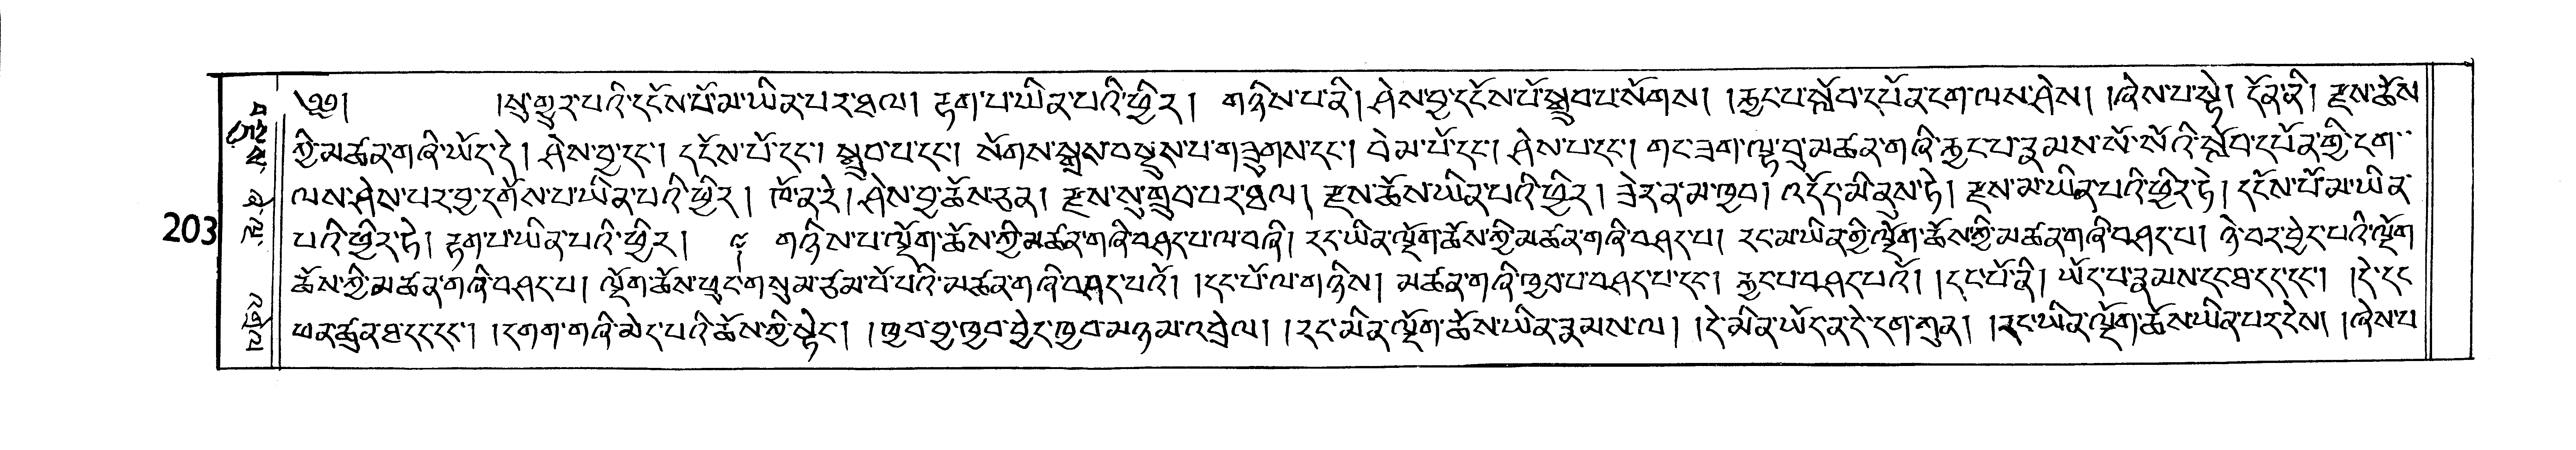༄༅། །སུ་གྱུར་པའི་དངོས་པོ་མ་ཡིན་པར་ཐལ། རྟག་པ་ཡིན་པའི་ཕྱིར། གཉིས་པ་ནི། ཤེས་བྱ་དངོས་པོ་སྒྲུབ་པ་སོགས། །རྐྱང་པ་སློབ་དཔོན་ངག་ལས་ཤེས། །ཞེས་པ་སྟེ། དོན་ནི། རྫས་ཆོས་
ཀྱི་མཚན་གཞི་ཡོད་དེ། ཤེས་བྱ་དང་། དངོས་པོ་དང་། སྒྲུབ་པ་དང་། སོགས་སྒྲས་བསྡུས་པ་གཟུགས་དང་། བེམ་པོ་དང་། ཤེས་པ་དང་། གང་ཟག་ལྟ་བུ་མཚན་གཞི་རྐྱང་པ་རྣམས་སོ་སོའི་སློབ་དཔོན་གྱི་ངག་
ལས་ཤེས་པར་བྱ་དགོས་པ་ཡིན་པའི་ཕྱིར། ཁོ་ན་རེ། ཤེས་བྱ་ཆོས་ཅན། རྫས་སུ་གྲུབ་པར་ཐལ། རྫས་ཆོས་ཡིན་པའི་ཕྱིར། ཟེར་ན་མ་ཁྱབ། འདོད་མི་ནུས་ཏེ། རྫས་མ་ཡིན་པའི་ཕྱིར་ཏེ། དངོས་པོ་མ་ཡིན་
པའི་ཕྱིར་ཏེ། རྟག་པ་ཡིན་པའི་ཕྱིར། ༈ གཉིས་པ་ལྡོག་ཆོས་ཀྱི་མཚན་གཞི་བཤད་པ་ལ་བཞི། རང་ཡིན་ལྡོག་ཆོས་ཀྱི་མཚན་གཞི་བཤད་པ། རང་མ་ཡིན་གྱི་ལྡོག་ཆོས་ཀྱི་མཚན་གཞི་བཤད་པ། ཉེ་བར་བྱེད་པའི་ལྡོག་
ཆོས་ཀྱི་མཚན་གཞི་བཤད་པ། ལྡོག་ཆོས་ཕུང་གསུམ་ཙམ་པོ་པའི་མཚན་གཞི་བཤད་པའོ། །དང་པོ་ལ་གཉིས། མཚན་གཞི་ཁྱབ་པ་བཤད་པ་དང་། རྐྱང་པ་བཤད་པའོ། །དང་པོ་ནི། ཡོད་པ་རྣམས་དང་ཐ་དད་དང་། །དེ་དང་
ཕན་ཚུན་ཐ་དད་དང་། དགག་གཞི་མེད་པའི་ཆོས་ཀྱི་སྟེང་། །ཁྱབ་བྱ་ཁྱབ་བྱེད་ཁྱབ་མཉམ་འབྲེལ། །རང་མིན་ལྡོག་ཆོས་ཡིན་རྣམས་ལ། །དེ་མིན་ཡོད་ན་དེ་དག་ཀུན། །རང་ཡིན་ལྡོག་ཆོས་ཡིན་པར་ངེས། །ཞེས་པ་